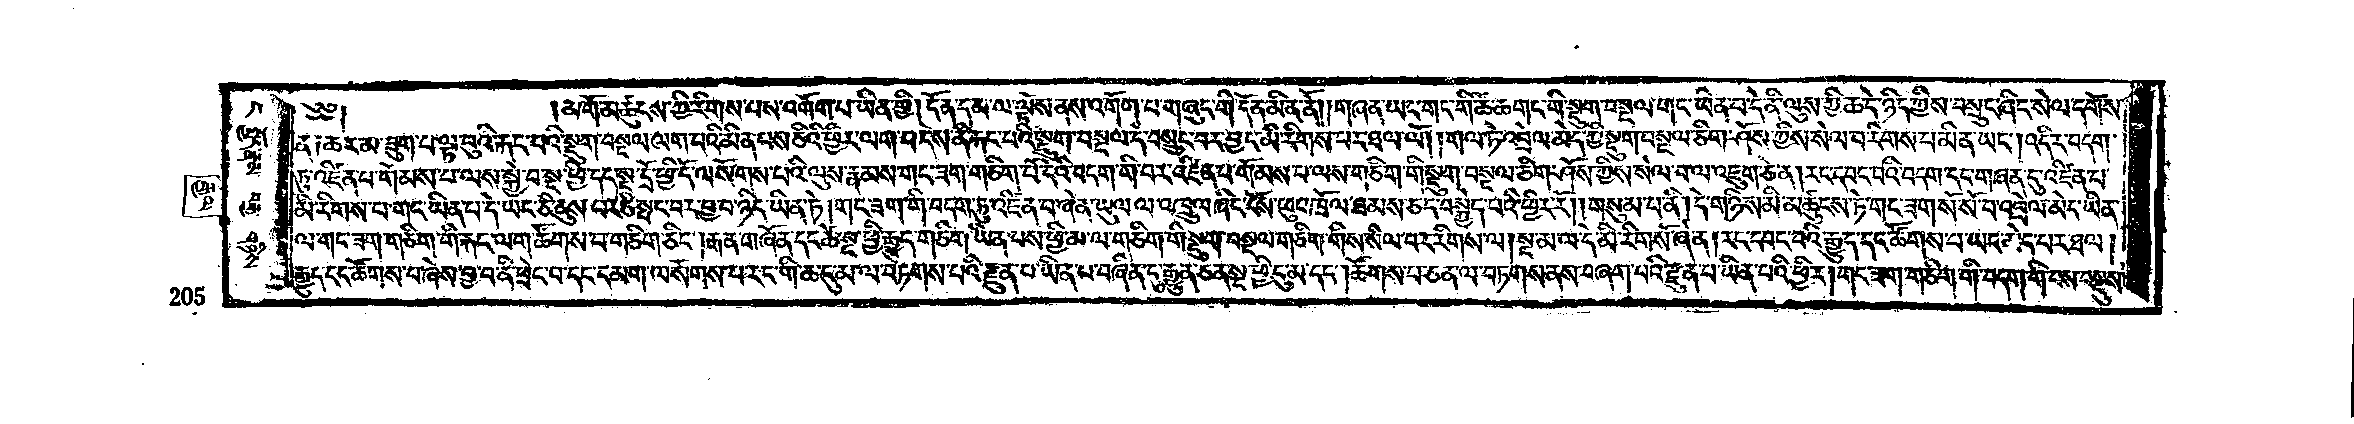༄༅། །མགོ་མཚུངས་ཀྱི་རིགས་པས་འགོག་པ་ཡིན་གྱི་།དོན་དམ་ལ་ལྟོས་ནས་འགོག་པ་གཞུང་གི་དོན་མིན་ནོ། །གཞན་ཡང་གང་གི་ཆོ་ཆ་གང་གི་སྡུག་བསྔལ་གང་ཡིན་པ་དེ་ནི་ལུས་ཀྱི་ཆ་དེ་ཉིད་ཀྱིས་བསྲུང་ཞིང་སེལ་དགོས་
ན༑ ཆར་མ་ཟུག་པ་ལྟ་བུའི་རྐང་པའི་སྡུག་བསྔལ་ལག་པའི་མིན་པས་ཅིའི་ཕྱིར་ལག་བ་དེས་ནི་རྐང་པའི་སྡུག་བསྔལ་དེ་བསྲུང་བར་བྱེད་མི་རིགས་པར་ཐལ་ལོ། །གལ་ཏེ་འབྲེལ་མེད་ཀྱི་སྡུག་བསྔལ་ཅིག་ཤོས་ཀྱིས་སེལ་བ་རིགས་པ་མིན་ཡང་། འདིར་བདག་
ཏུ་འཛིན་པ་གོམས་པ་ལས་སྐྱེ་བ་སྔ་ཕྱི་དང་སྔ་དྲོ་ཕྱི་དྲོ་ལ་སོགས་པའི་ལུས་རྣམས་གང་ཟག་གཅིག་པོ་དེའི་བདག་གི་བར་འཛིན་པ་གོམས་པ་ལས་གཅིག་གི་སྡུག་བསྔལ་ཅིག་ཤོས་ཀྱིས་སེལ་བ་ལ་འཇུག་ཅེ་ན། རང་དབང་བའི་བདག་དང་གཞན་དུ་འཛིན་པ་
མི་རིགས་པ་གང་ཡིན་པ་དེ་ཡང་ཅི་ནུས་པར་ཅི་སྤང་བར་བྱ་བ་ཉིད་ཡིན་ཏེ། གང་ཟག་གི་བདག་ཏུ་འཛིན་པ་ཞེན་ཡུལ་ལ་འཁྲུལ་ཞིང་ངོས་ཁུང་ཁྲོལ་ཐམས་ཅད་བསྐྱེད་པའི་ཕྱིར་རོ། །གསུམ་པ་ནི། དེ་གཉིས་མི་མཚུངས་ཏེ་གང་ཟག་སོ་སོ་བ་འབྲེལ་མེད་ཡིན་
ལ་གང་ཟག་གཅིག་གི་རྐང་ལག་ཚོགས་པ་གཅིག་ཅིང་། རྒན་གཞོན་དང་ཚེ་སྔ་ཕྱི་རྒྱུད་གཅིག་ཡིན་པས་ཕྱི་མ་ལ་གཅིག་གི་སྡུག་བསྔལ་གཅིག་གིས་སེལ་བར་རིགས་ལ། སྔ་མ་ལ་དེ་མི་རིགས་སོ་ཞེ་ན། རང་དབང་བའི་རྒྱུད་དང་ཚོགས་པ་ཡང་མེད་པར་ཐལ།
རྒྱུད་དང་ཚོགས་པ་ཞེས་བྱ་བ་ནི་ཕྲེང་བ་དང་དམག་ལ་སོགས་པ་རང་གི་ཆ་དུ་མ་ལ་བཏགས་པའི་རྫུན་པ་ཡིན་པ་བཞིན་དུ་རྒྱུ་ཅན་སྔ་ཕྱི་དུ་མ་དང་། ཚོགས་པ་ཅན་ལ་བཏགས་ནས་བཞག་པའི་རྫུན་པ་ཡིན་པའི་ཕྱིར། གང་ཟག་གཅིག་གི་བདག་གི་པས་?་བསྡུས་